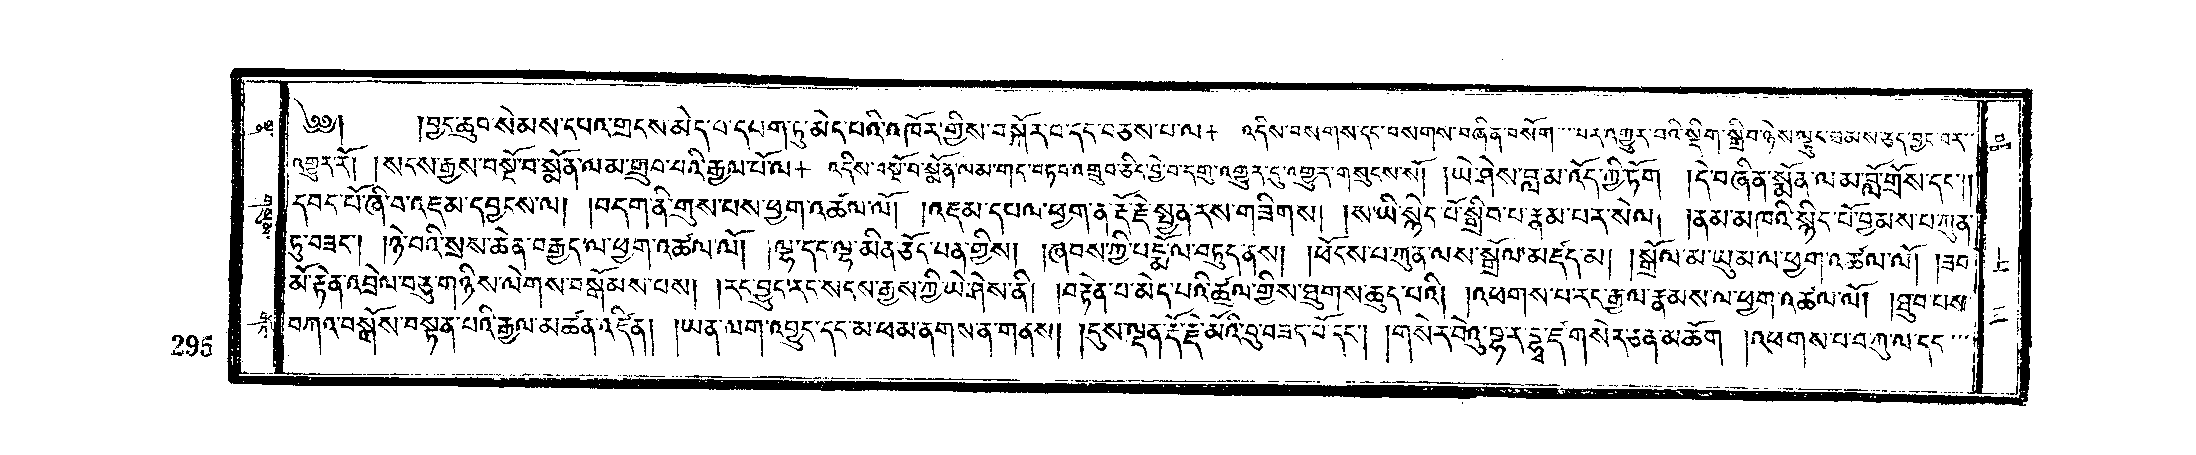༄༅། །བྱང་ཆུབ་སེམས་དཔའ་གྲངས་མེད་པ་དཔག་ཏུ་མེད་པའི་འཁོར་གྱིས་བསྐོར་བ་དང་བཅས་པ་ལ་+་འདིས་བསགས་དང་བསགས་བཞིན་བསོག་པར་འགྱུར་བའི་སྡིག་སྒྲིབ་ཉེས་ལྟུང་ཐམས་ཅད་བྱང་བར་
འགྱུར་རོ། །སངས་རྒྱས་བསྔོ་བ་སྨོན་ལམ་གྲུབ་པའི་རྒྱལ་པོ་ལ་+་འདིས་བསྔོ་བ་སྨོན་ལམ་གང་བཏབ་འགྲུབ་ཅིང་བྱེ་བ་དགུ་འགྱུར་དུ་འགྱུར་གསུངས་སོ། །ཡེ་ཤེས་བླ་མ་འོད་ཀྱི་ཏོག །དེ་བཞིན་སྨོན་ལམ་བློ་གྲོས་དང།།
དབང་པོ་ཞི་བ་འཇམ་དབྱངས་ལ། །བདག་ནི་གུས་པས་ཕྱག་འཚལ་ལོ། །འཇམ་དཔལ་ཕྱག་ན་རྡོ་རྗེ་སྤྱན་རས་གཟིགས། །ས་ཡི་སྙིང་པོ་སྒྲིབ་པ་རྣམ་པར་སེལ། །ནམ་མཁའི་སྙིང་པོ་བྱམས་པ་ཀུན་
ཏུ་བཟང་། །ཉེ་བའི་སྲས་ཆེན་བརྒྱད་ལ་ཕྱག་འཚལ་ལོ། །ལྷ་དང་ལྷ་མིན་ཅོད་པན་གྱིས། །ཞབས་ཀྱི་པདམོ་ལ་བཏུད་ནས། །ཕོངས་པ་ཀུན་ལས་སྒྲོལ་མཛད་མ། །སྒྲོལ་མ་ཡུམ་ལ་ཕྱག་འཚལ་ལོ། །ཟབ་
མོ་རྟེན་འབྲེལ་བཅུ་གཉིས་ལེགས་བསྒོམས་པས། །རང་བྱུང་རང་སངས་རྒྱས་ཀྱི་ཡེ་ཤེས་ནི། །བརྟེན་པ་མེད་པའི་ཚུལ་གྱིས་ཐུགས་ཆུད་པའི། །འཕགས་པ་རང་རྒྱལ་རྣམས་ལ་ཕྱག་འཚལ་ལོ། །ཐུབ་པས་
བཀའ་བསྒོས་བསྟན་པའི་རྒྱལ་མཚན་འཛིན། །ཡན་ལག་འབྱུང་དང་མ་ཕམ་ནགས་ན་གནས། །དུས་ལྡན་རྡོ་རྗེ་མོའི་བུ་བཟང་པོ་དང་། །གསེར་བེའུ་བྷ་ར་དྷྭ་ཛ་གསེར་ཅན་མཆོག །འཕགས་པ་བ་ཀུ་ལ་དང་